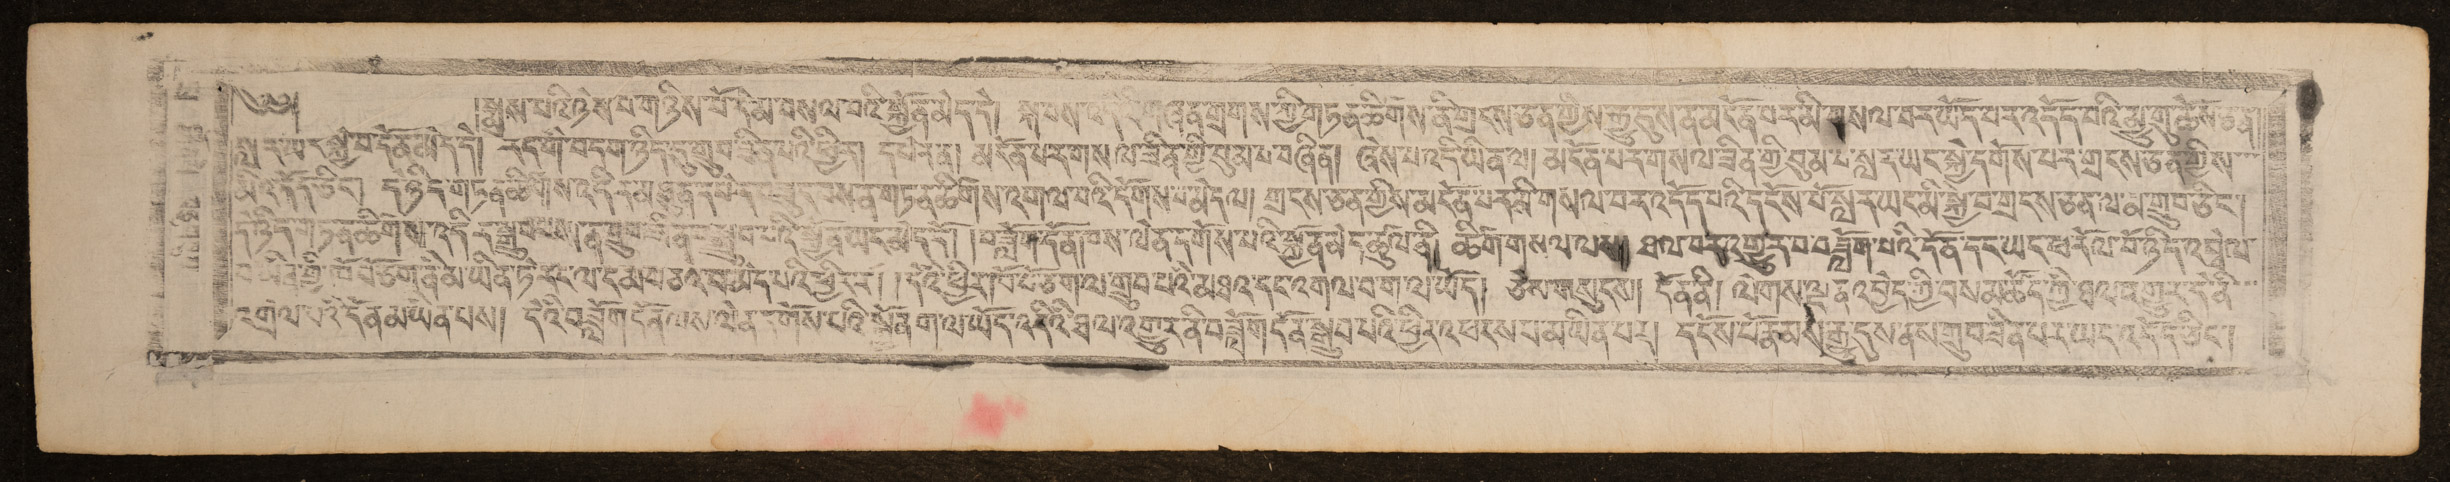༄༅། །སྨྲས་པའི་ཉེས་པ་གཉིས་པོ་དེ་མ་བསལ་བའི་སྐྱོན་མེད་དེ། སྐབས་འདིའི་གཞན་གྲགས་ཀྱི་གཏན་ཚིགས་ནི་གྲངས་ཅན་གྱིས་རྒྱུ་དུས་ན་མངོན་པར་མི་གསལ་བར་ཡོད་པར་འདོད་པའི་མྱུ་གུ་ཆོས་ཅན།
སླར་ཡང་སྐྱེ་བ་དོན་མེད་དེ། རང་གི་བདག་ཉིད་དུ་གྲུབ་ཟིན་པའི་ཕྱིར། དཔེར་ན། མངོན་པར་གསལ་ཟིན་གྱི་བུམ་པ་བཞིན། ཞེས་པ་འདི་ཡིན་ལ། མངོན་པར་གསལ་ཟིན་གྱི་བུམ་པ་སླར་ཡང་སྐྱེ་དགོས་པར་གྲངས་ཅན་གྱིས་
མི་འདོད་ཅིང་། དེ་ཉིད་གཏན་ཚིགས་འདིར་མཐུན་དཔེར་བཟུང་བས་ན་གཏན་ཚིགས་འགལ་བའི་དོགས་པ་མེད་ལ། གྲངས་ཅན་གྱིས་མངོན་པར་མི་གསལ་བར་འདོད་པའི་དངོས་པོ་སླར་ཡང་མི་སྐྱེ་བ་གྲངས་ཅན་ལ་མ་གྲུབ་ཅིང་།
དེ་ཉིད་གཏན་ཚིགས་འདིར་སྒྲུབ་པས་ན་གྲུབ་ཟིན་བསྒྲུབ་པའི་སྐྱོན་ཡང་མེད་དོ། །བཟློག་དོན་ཁས་ལེན་དགོས་པའི་སྐྱོན་མེད་ཚུལ་ནི། ཚིག་གསལ་ལས། ཐལ་བར་འགྱུར་བ་བཟློག་པའི་དོན་དང་ཡང་ཕ་རོལ་པོ་ཉིད་འབྲེལ་
བ་ཡིན་གྱི་ཁོ་བོ་ཅག་ནི་མ་ཡིན་ཏེ་རང་ལ་དམ་བཅའ་བ་མེད་པའི་ཕྱིར་རོ། །དེའི་ཕྱིར་ཁོ་བོ་ཅག་ལ་གྲུབ་པའི་མཐའ་དང་འགལ་བ་ག་ལ་ཡོད། ཅེས་གསུངས། དོན་ནི། ལེགས་ལྡན་འབྱེད་ཀྱི་བསམ་ཚོད་ཀྱི་ཐལ་འགྱུར་དེ་ནི་
འགྲེལ་པའི་དོན་མ་ཡིན་པས། དེའི་བཟློག་དོན་ཁས་ལེན་དགོས་པའི་སྐྱོན་ག་ལ་ཡོད་འདིའི་ཐལ་འགྱུར་ནི་བཟློག་དོན་སྒྲུབ་པའི་ཕྱིར་འཕངས་པ་མ་ཡིན་པར། དངོས་པོ་རྣམས་རྒྱུ་དུས་ནས་གྲུབ་ཟིན་པར་ཡང་འདོད་ཅིང་།